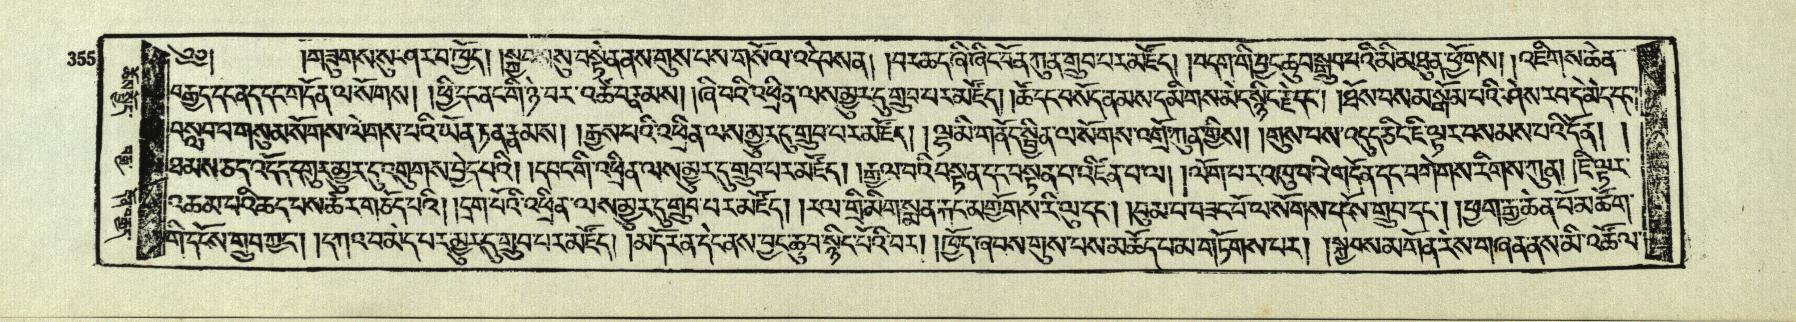༄༅། །གཟུགས་སུ་ཤར་བ་ཁྱོད། །སྐྱབས་སུ་བསྟེན་ནས་གུས་པས་གསོལ་འདེབས་ན། །བར་ཆད་ཞི་ཞིང་བོན་ཀུན་གྲུབ་པར་མཛོད། །བདག་གི་བྱང་ཆུབ་སྒྲུབ་པའི་མི་མཐུན་ཕྱོགས། །འཇིགས་ཆེན་
བརྒྱད་དང་ནད་དང་གདོན་ལ་སོགས། །ཕྱི་དང་ནང་གི་ཉེ་བར་འཚེ་བ་རྣམས། །ཞི་བའི་འཕྲིན་ལས་མྱུར་དུ་གྲུབ་པར་མཛོད། །ཚེ་དང་བསོད་ནམས་དམིགས་མེད་སྙིང་རྗེ་དང་། །ཐོས་བསམ་སྒོམ་པའི་ཤེས་རབ་དེ་མེད་དང་
བསླབ་བ་གསུམ་སོགས་ལེགས་པའི་ཡོན་ཏན་རྣམས། །རྒྱས་པའི་འཕྲིན་ལས་མྱུར་དུ་གྲུབ་པར་མཛོད། །ལྷ་མི་གནོད་སྦྱིན་ལ་སོགས་འགྲོ་ཀུན་གྱིས། །གུས་པས་འདུད་ཅིང་ཇི་ལྟར་བསམས་པའི་དོན། །
ཐམས་ཅད་འདོད་དགུར་མྱུར་དུ་འགུགས་བྱེད་པའི། །དབང་གི་འཕྲིན་ལས་མྱུར་དུ་གྲུབ་པར་མཛོད། །རྒྱལ་བའི་བསྟན་དང་བསྟན་པ་འཛིན་པ་ལ། །ལོག་པར་འཁུ་བའི་གདོན་དང་བགེགས་རིགས་ཀུན། །ཇི་ལྟར་
འཆམ་པའི་ཆད་པས་ཚར་གཅོད་པའི། །དྲག་པོའི་འཕྲིན་ལས་མྱུར་དུ་གྲུབ་པར་མཛོད། །རལ་གྲི་མིག་སྨན་རྐང་མགྱོགས་རི་ལུ་དང་། །བུམ་པ་བཟང་པོ་ལ་སོགས་དངོས་གྲུབ་དང་། །ཕྱག་རྒྱ་ཆེན་པོ་མཆོག་
གི་དངོས་གྲུབ་ཀྱང་། །དཀའ་བ་མེད་པར་མྱུར་དུ་གྲུབ་པར་མཛོད། །མདོར་ན་དེང་ནས་བྱང་ཆུབ་སྙིང་པོའི་བར། །ཁྱོད་ཞབས་གུས་པས་མཆོད་པ་མ་གཏོགས་པར། །སྐྱབས་མགོན་རེས་གཞན་ནས་མི་འཚོལ་